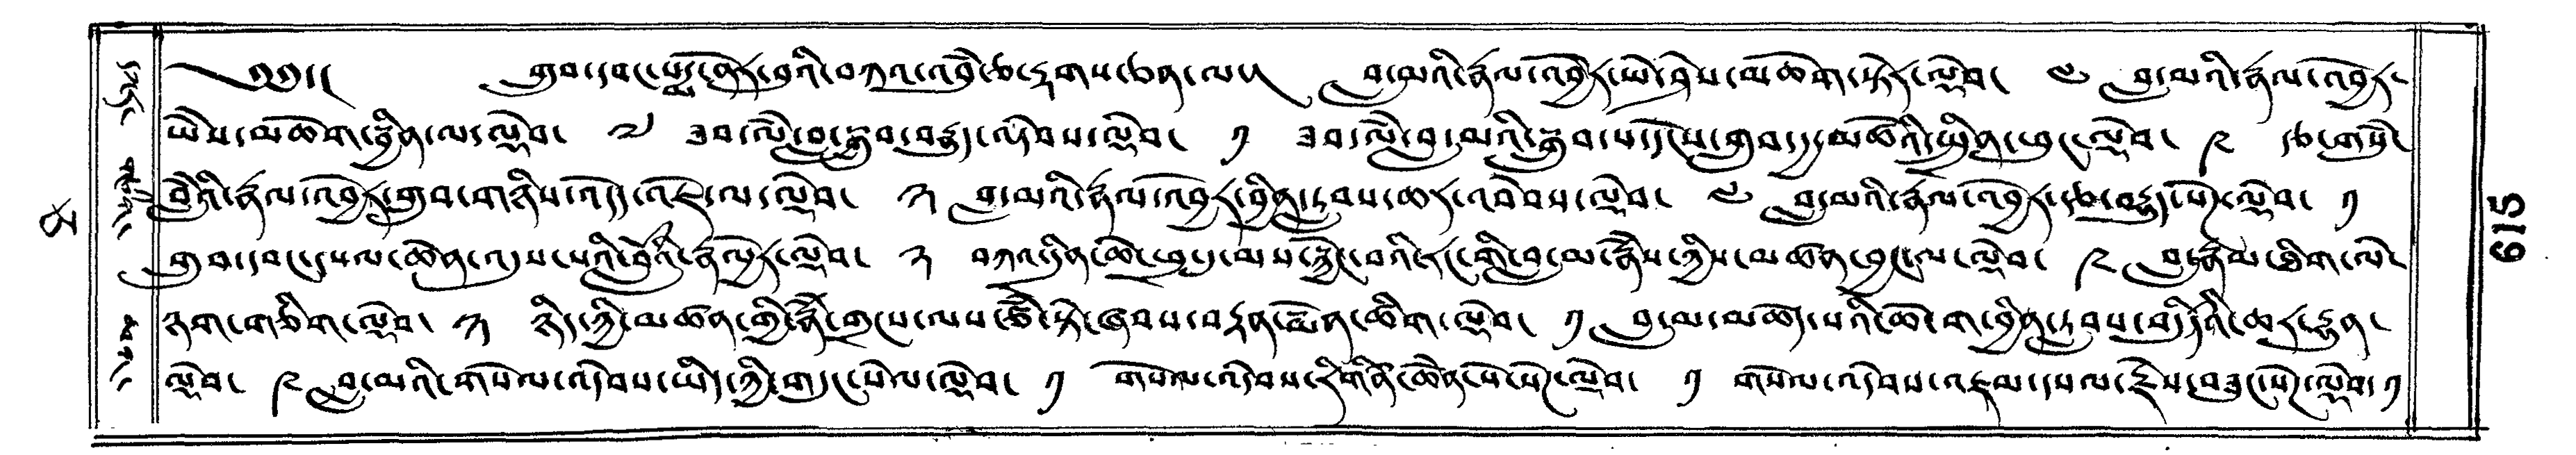༄༅། གྲུབ་དབང་པདྨ་ནོར་བུའི་བཀའ་འབུམ་ཅ་རྟག་ཅན་ལ། བླ་མའི་རྣལ་འབྱོར་ཡེ་ཤེས་མཆོག་སྟེར་ལྡེབ། བླ་མའི་རྣལ་འབྱོར་
ཡེ་ཤེས་མཆོག་སྦྱིན་ལ་ལྡེབ། ཟབ་ལམ་བླ་སྒྲུབ་བརྒྱུད་འདེབས་ལྡེབ། ཟབ་ལམ་བླ་མའི་སྒྲུབ་པ་དངོས་གྲུབ་རྒྱ་མཚོའི་སྤྲིན་ཕུང་ལྡེབ རྩ་གསུམ་
བླ་མའི་རྣལ་འབྱོར་གྲུབ་གཉིས་འདོད་འཇོ་ལ་ལྡེབ། བླ་མའི་རྣལ་འབྱོར་བྱིན་རླབས་ཆར་འབེབས་ལྡེབ། བླ་མའི་རྣལ་འབྱོར་རྩ་བརྒྱུད་སོགས་ལྡེབ། 
གྲུབ་དབང་དཔལ་ཆེན་འདུས་པའི་བླ་མའི་རྣལ་འབྱོར་ལྡེབ། བཀའ་དྲིན་ཆེ་ཕྲ་དུ་མས་སྐྱོང་བའི་རང་གི་བླ་མ་རྣམས་ཀྱིས་མཚན་བྱང་ལ་ལྡེབ། བླ་རྣལ་ཐིག་ལེ་
ཉག་གཅིག་ལྡེབ། ཉིད་ཀྱི་མཚན་གྱི་རྣམ་གྲངས་ལས་བརྩམས་ཞབས་བརྟན་སྨོན་ཚིག་ལྡེབ། བླ་མ་མཆོད་པའི་ཆོ་ག་བྱིན་རླབས་བདུད་རྩིའི་ཆར་རྒྱུན་
ལྡེབ། བླ་མའི་གསོལ་འདེབས་ཡིད་ཀྱི་གདུང་སེལ་ལྡེབ། གསོལ་འདེབས་རིག་འཛིན་ཆེན་པོ་སོ་སོགས་ལྡེབ། གསོལ་འདེབས་འཇམ་དཔལ་རྗེས་བཟུང་སོགས་ལྡེབ།